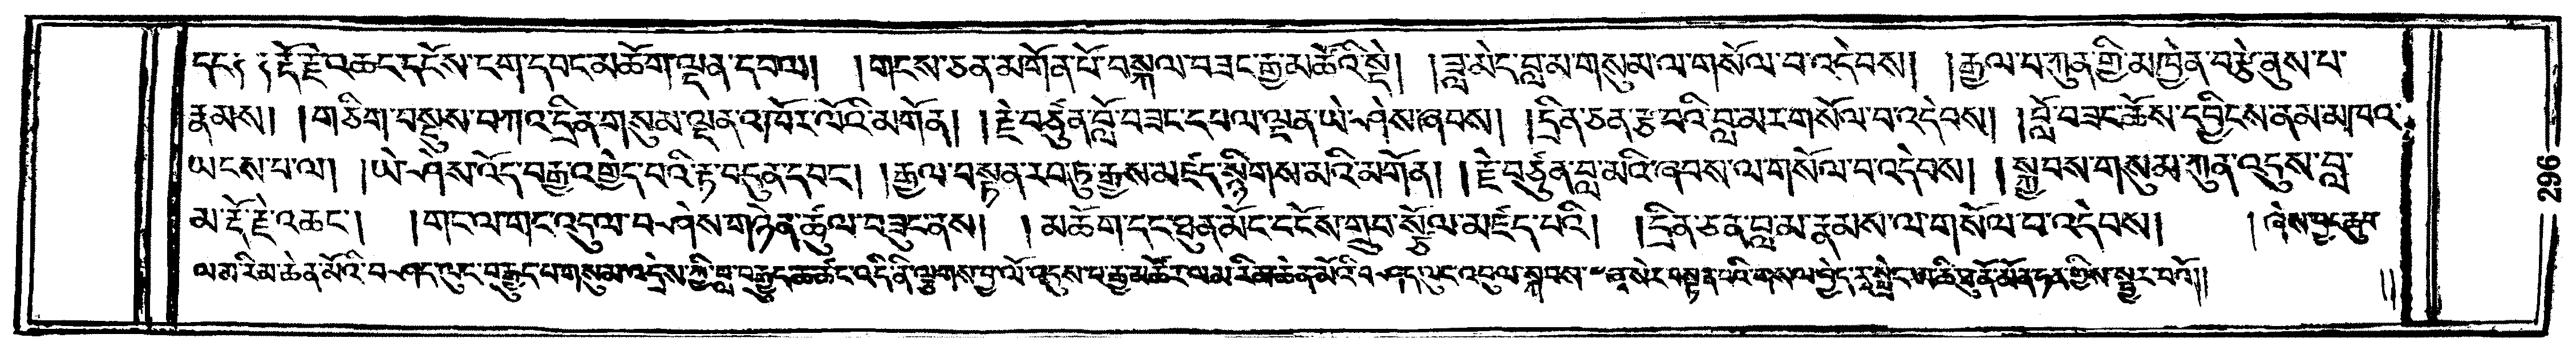དང་། །རྡོ་རྗེ་འཆང་དངོས་ངག་དབང་མཆོག་ལྡན་དཔལ། །གངས་ཅན་མགོན་པོ་བསྐལ་བཟང་རྒྱ་མཚོའི་སྡེ། །ཟླ་མེད་བླ་མ་གསུམ་ལ་གསོལ་བ་འདེབས། །རྒྱལ་བ་ཀུན་གྱི་མཁྱེན་བརྩེ་ནུས་པ་
རྣམས། །གཅིག་བསྡུས་བཀའ་དྲིན་གསུམ་ལྡན་འཁོར་ལོའི་མགོན། །རྗེ་བཙུན་བློ་བཟང་དཔལ་ལྡན་ཡེ་ཤེས་ཞབས། །དྲིན་ཅན་རྩ་བའི་བླ་མར་གསོལ་བ་འདེབས། །བློ་བཟང་ཆོས་དབྱིངས་ནམ་མཁའ་
ཡངས་པ་ལ། །ཡེ་ཤེས་འོད་བརྒྱ་འགྱེད་པའི་རྟ་བདུན་དབང་། །རྒྱལ་བསྟན་རབ་ཏུ་རྒྱས་མཛད་སྙིགས་མའི་མགོན། །རྗེ་བཙུན་བླ་མའི་ཞབས་ལ་གསོལ་བ་འདེབས། །སྐྱབས་གསུམ་ཀུན་འདུས་བླ་
མ་རྡོ་རྗེ་འཆང་། །གང་ལ་གང་འདུལ་བཤེས་གཉེན་ཚུལ་བཟུང་ནས། །མཆོག་དང་ཐུན་མོང་དངོས་གྲུབ་སྩོལ་མཛད་པའི། །དྲིན་ཅན་བླ་མ་རྣམས་ལ་གསོལ་བ་འདེབས། །ཞེས་བྱང་ཆུབ་
ལམ་རིམ་ཆེན་མོའི་བཤད་ལུང་བརྒྱུད་པ་གསུམ་འདྲེས་ཀྱི་བླ་བརྒྱུད་ཆ་ཚང་འདི་ནི་ལྕགས་བྱ་ལོ་འདུས་པ་རྒྱ་མཚོར་ལམ་རིམ་ཆེན་མོའི་བཤད་ལུང་འབུལ་སྐབས ༧་ཞྭ་སེར་བསྟན་པའི་གསལ་བྱེད་རྭ་སྒྲེང་ཨ་ཆི་ཐུ་ནོ་མོན་ཧན་གྱིས་སྦྱར་བའོ།། །།